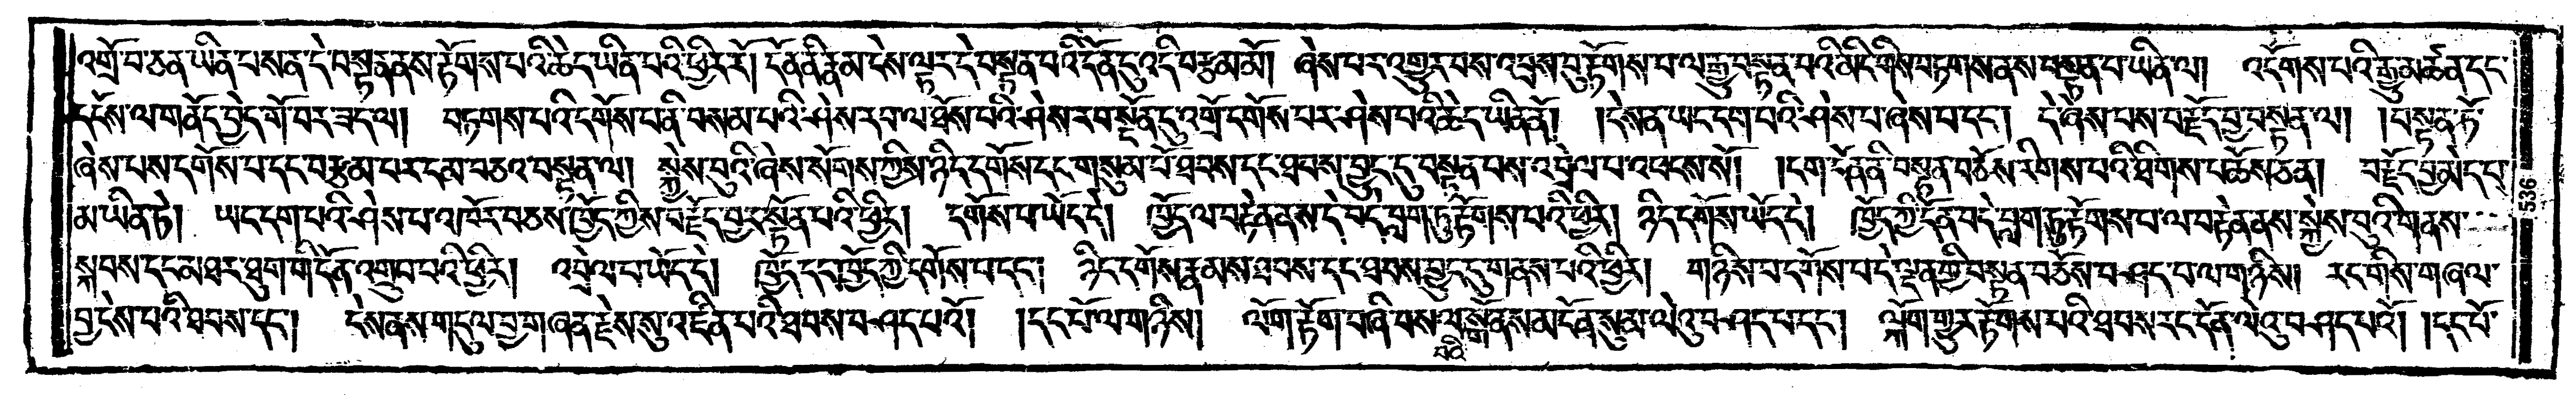འགྲོ་བ་ཅན་ཡིན་པས་ན་དེ་བསྟན་ནས་རྟོགས་པའི་ཆེད་ཡིན་པའི་ཕྱིར་རོ། དོན་ནི་རྣམ་ངེས་ལྟར་དེ་བསྟན་པའི་དོན་དུ་འདི་བརྩམ་མོ། ཞེས་པར་འགྱུར་བས་འབྲས་བུ་རྟོགས་པ་ལ་རྒྱུ་བསྟན་པའི་མིང་གིས་བཏགས་ནས་བསྟན་པ་ཡིན་ལ། འདོགས་པའི་རྒྱུ་མཚན་དང་
དངོས་ལ་གནོད་བྱེད་གོ་བར་ཟད་ལ། བཏགས་པའི་དགོས་པ་ནི་བསམ་པའི་ཤེས་རབ་ལ་ཐོས་པའི་ཤེས་རབ་སྔོན་དུ་འགྲོ་དགོས་པར་ཤེས་པའི་ཆེད་ཡིན་ནོ། །དེས་ན་ཡང་དག་བའི་ཤེས་པ་ཞེས་པ་དང་། དེ་ཞེས་པས་བརྗོད་བྱ་བསྟན་ལ། །བསྟན་ཏོ་
ཞེས་པས་དགོས་པ་དང་བརྩམ་པར་དམ་བཅའ་བསྟན་ལ། སྐྱེས་བུའི་ཞེས་སོགས་ཀྱིས་ཉིད་དགོས་དང་གསུམ་པོ་ཐབས་དང་ཐབས་བྱུང་དུ་བསྟན་པས་འབྲེལ་བ་འཕངས་སོ། །དག་དོན་ནི་བསྟན་བཅོས་རིགས་པའི་ཐིགས་པ་ཆོས་ཅན། བརྗོད་བྱ་མེད་པ་
མ་ཡིན་ཏེ། ཡང་དག་པའི་ཤེས་པ་ལ་འཁོར་བཅས་ཁྱོད་ཀྱིས་བརྗོད་བྱར་སྟོན་པའི་ཕྱིར། དགོས་པ་ཡོད་དེ། ཁྱོད་ལ་བརྟེན་ནས་དེ་བདེ་བླག་ཏུ་རྟོགས་པའི་ཕྱིར། ཉིད་དགོས་ཡོད་དེ། ཁྱོད་ཀྱི་དོན་བདེ་བླག་ཏུ་རྟོགས་པ་ལ་བརྟེན་ནས་སྐྱེས་བུའི་གནས་
སྐབས་དང་མཐར་ཐུག་གི་དོན་འགྲུབ་པའི་ཕྱིར། འབྲེལ་བ་ཡོད་དེ། ཁྱོད་དང་ཁྱོད་ཀྱི་དགོས་པ་དང་། ཉིད་དགོས་རྣམས་ཐབས་དང་ཐབས་བྱུང་དུ་གནས་པའི་ཕྱིར། གཉིས་པ་དགོས་པ་དེ་ལྡན་གྱི་བསྟན་བཅོས་བཤད་པ་ལ་གཉིས། རང་གིས་གཞལ་
བྱ་ངེས་པའི་ཐབས་དང་། ངེས་ནས་གདུལ་བྱ་གཞན་རྗེས་སུ་འཛིན་པའི་ཐབས་བཤད་པའོ། །དང་པོ་ལ་གཉིས། ལོག་རྟོག་བཞི་བསལ་བའི་སྒོ་ནས་མངོན་སུམ་ལེའུ་བཤད་པ་དང་། ལྐོག་གྱུར་རྟོགས་པའི་ཐབས་རང་དོན་ལེའུ་བཤད་པའོ། །དང་པོ་